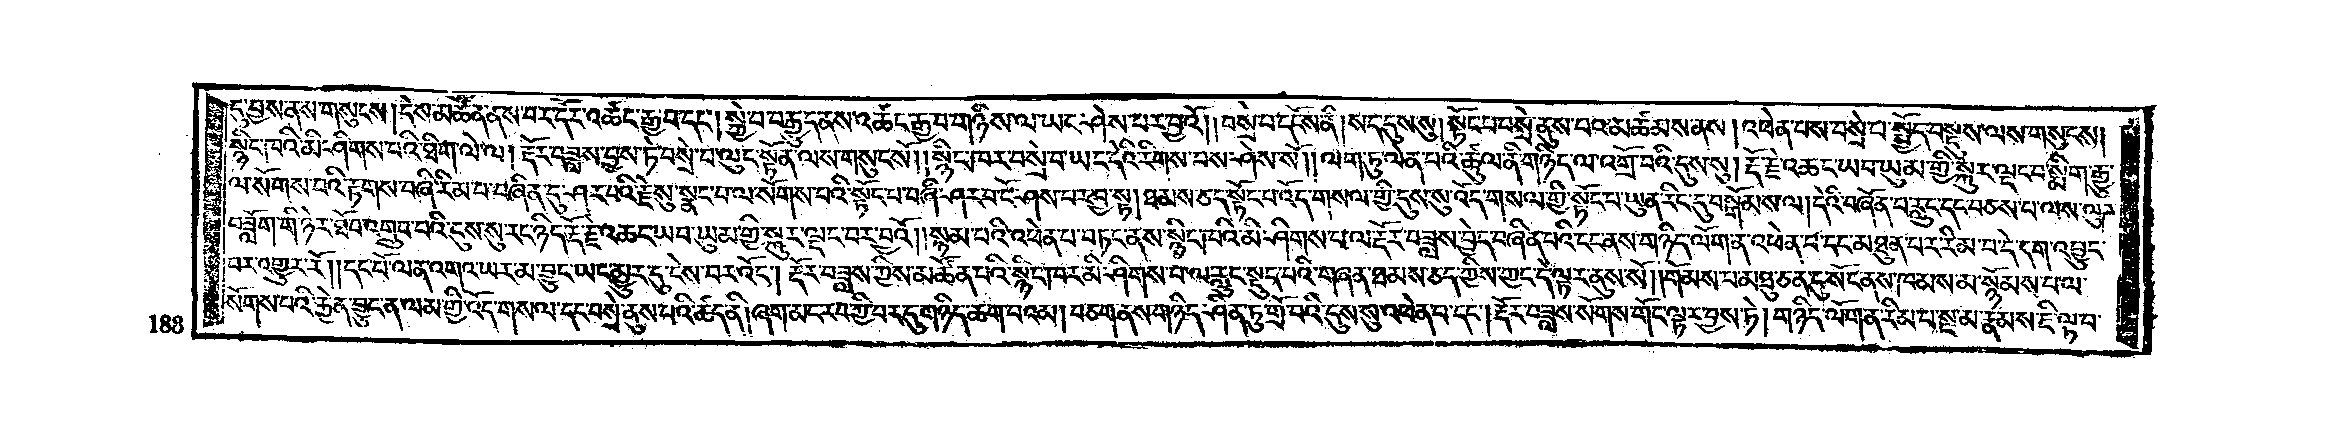དུ་བྱས་ནས་གསུངས། དེས་མཚོན་ནས་བར་དོར་འཚང་རྒྱ་བ་དང་། སྐྱེ་བ་བརྒྱུད་ནས་འཚང་རྒྱ་བ་གཉིས་ལ་ཡང་ཤེས་པར་བྱའོ། །བསྲེ་བ་དངོས་ནི། སད་དུས་སུ། སྟོང་པ་བསྲེ་ནུས་པའི་མཚམས་ནས། འཕེན་པས་བསྲེ་པ་སྤྱོད་བསྡུས་ལས་གསུངས།
སྙིང་ཁའི་མི་ཤིགས་པའི་ཐིག་ལེ་ལ། རྡོར་བཟླས་བྱས་ཏེ་བསྲེ་བ་ལུང་སྟོན་ལས་གསུངས་སོ། །སྙིང་ཁར་བསྲེ་བ་ཡང་དེའི་རིགས་པས་ཤེས་སོ། །ལག་ཏུ་ལེན་པའི་ཚུལ་ནི་གཉིད་ལ་འགྲོ་བའི་དུས་སུ། རྡོ་རྗེ་འཆང་ཡབ་ཡུམ་གྱི་སྐུར་ལྡང་བ་སྨིག་རྒྱུ་
ལ་སོགས་པའི་རྟགས་བཞི་རིམ་པ་བཞིན་དུ་ཤར་བའི་རྗེས་སུ་སྣང་བ་ལ་སོགས་པའི་སྟོང་པ་བཞི་ཤར་བ་ངོ་ཤས་པར་བྱ་སྟེ། ཐམས་ཅད་སྟོང་པ་འོད་གསལ་གྱི་དུས་སུ་འོད་གསལ་གྱི་སྟོང་པ་ཡུན་རིང་དུ་བསྒོམས་ལ། དེའི་བཞོན་པ་རླུང་དང་བཅས་པ་ལས་ལུགས་
བཟློག་གི་ཉེར་ཐོབ་འགྲུབ་པའི་དུས་སུ་རང་ཉིད་རྡོ་རྗེ་འཆང་ཡབ་ཡུམ་གྱི་སྐུར་ལྡང་བར་བྱའོ། །སྙམ་པའི་འཕེན་པ་བཏང་ནས་སྙིང་ཁའི་མི་ཤིགས་པ་ལ་རྡོར་བཟླས་བྱེད་བཞིན་པའི་ངང་ནས་གཉིད་ལོག་ན་འཕེན་པ་དང་མཐུན་པར་རིམ་པ་དེ་དག་འབྱུང་
པར་འགྱུར་རོ། །དང་པོ་ལན་འགའ་ཡར་མ་བྱུང་ཡང་མྱུར་དུ་ངེས་པར་འོང་། རྡོར་བཟླས་ཀྱིས་མཚོན་པའི་སྙིང་ཁར་མི་ཤིགས་པ་ལ་རླུང་སྡུད་པའི་གཞན་ཐམས་ཅད་ཀྱིས་ཀྱང་དེ་ལྟར་ནུས་སོ། །གོམས་པ་མཐུ་ཅན་དུ་སོང་ནས་ཁམས་མ་སྙོམས་པ་ལ་
སོགས་པའི་རྐྱེན་བྱུང་ན་ལམ་གྱི་འོད་གསལ་དང་བསྲེ་ནུས་པའི་ཚད་ནི། ཞག་མང་རབ་ཀྱི་བར་དུ་གཉིད་ཆག་པའམ། བཅག་ནས་གཉིད་ཤིན་ཏུ་གྲོ་བའི་དུས་སུ་འཕེན་པ་དང་། རྡོར་བཟླས་སོགས་གོང་ལྟར་བྱས་ཏེ། གཉིད་ལོག་ན་རིམ་པ་སྔ་མ་རྣམས་ཇི་ལྟ་བ་